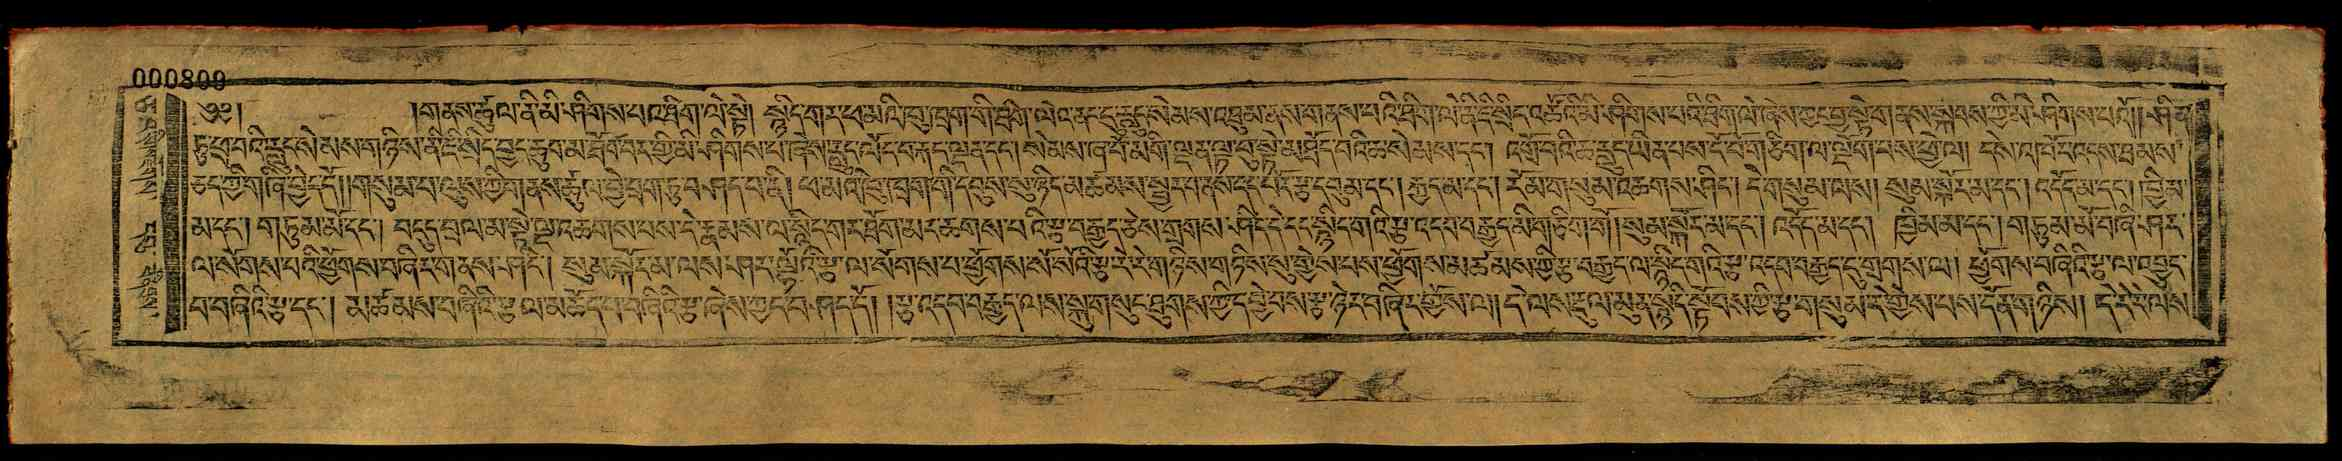༄༅། །གནས་ཚུལ་ནི་མི་ཤིགས་པའི་ཐེག་ལེ་སྟེ། སྙིང་གར་ཕ་མའི་ཁུ་ཁྲག་གི་ཐེག་ལེའི་ནང་དུ་རླུང་སེམས་འཐུམ་ནས་གནས་པའི་ཐིག་ལེ་ནི་ཇི་སྲིད་འཚོའི་མི་ཤིགས་པའི་ཐིག་ལེ་ཞེས་ཀྱང་བྱ་སྟེ་གནས་སྐབས་ཀྱི་མི་ཤིགས་པའོ། །ཤིང་
ཏུ་ཕྲ་བའི་རླུང་སེམས་གཉིས་ནི་ཇི་སྲིད་བྱང་ཆུབ་མ་ཐོབ་བར་གྱི་མི་ཤིགས་པ་ཞེས་རླུང་ལོང་བ་རྐང་ལྡན་དང་། སེམས་ཞ་བོ་མིག་ལྡན་ལྟ་བུ་སྟེ་མཐོང་བའི་ཆ་སེམས་དང་། འགྲོ་བའི་ཆ་རླུང་ཡིན་པས་ངོ་བོ་གཅིག་ལ་ལྡོག་པས་ཕྱེ་ལ། དེས་འཁོར་འདས་ཐམས་
ཅད་ཀྱི་གཞི་བྱེད་དོ། །གསུམ་པ་ལུས་ཀྱི་གནས་ཚུལ་བྱེ་བྲག་ཏུ་བཤད་པ་ནི། ཕ་མའི་ཁུ་ཁྲག་གི་དབུས་སུ་ཉིང་མཚམས་སྦྱར་བ་ནས་དང་པོར་རྩ་དབུ་མ་དང་། རྐྱང་མ་དང་། རོ་མ་གསུམ་འཆགས་ཤིང་། དེ་གསུམ་ལས། སུམ་སྐོར་མ་དང་། འདོད་མ་དང་། ཁྱིམ་
མ་དང་། གཏུམ་མོ་དང་། བདུད་བྲལ་མ་སྟེ་ལྔ་འཆགས་པས་དེ་རྣམས་ལ་སྙིང་གར་ཐོག་མར་ཆགས་པའི་རྩ་བརྒྱད་ཅེས་གྲགས་ཤིང་དེ་དང་སྙིང་གའི་རྩ་འདབ་བརྒྱད་མི་གཅིག་གོ །སུམ་སྐོར་མ་དང་། འདོད་མ་དང་། ཁྱིམ་མ་དང་། གཏུམ་མོ་བཞི་ཤར་
ལ་སོགས་པའི་ཕྱོགས་བཞིར་གནས་ཤིང་། སུམ་སྐོར་མ་ལས་ཤར་ལྷོའི་རྩ་ལ་སོགས་པ་ཕྱོགས་སོ་སོའི་རྩ་རེ་རེ་གཉིས་གཉིས་སུ་གྱེས་པས་ཕྱོགས་མཚམས་ཀྱི་རྩ་བརྒྱད་ལ་སྙིང་གའི་རྩ་འདབ་བརྒྱད་དུ་གྲགས་ལ། ཕྱོགས་བཞིའི་རྩ་ལ་འབྱུང་
བ་བཞིའི་རྩ་དང་། མཚམས་བཞིའི་རྩ་ལ་མཆོད་པ་བཞིའི་རྩ་ཞེས་ཀྱང་བཤད་དོ། །རྩ་འདབ་བརྒྱད་ལས་སྐུ་གསུང་ཐུགས་ཀྱི་དབྱེ་བས་རྩ་ཉེར་བཞིར་གྱེས་ལ། དེ་ལས་རྡུལ་མུན་སྙིང་སྟོབས་ཀྱི་རྩ་གསུམ་རེ་གྱེས་པས་དོན་གཉིས། དེ་རེ་རེ་ལས་